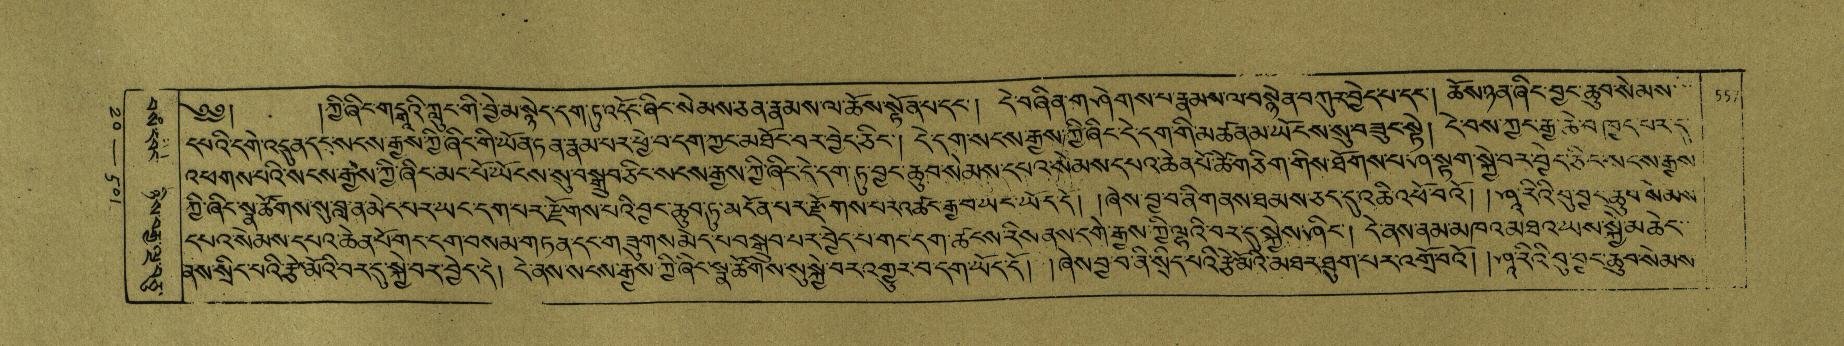༄༅། །ཀྱི་ཞིང་གངྒཱའི་ཀླུང་གི་བྱེ་མ་སྙེད་དག་ཏུ་འདོང་ཞིང་སེམས་ཅན་རྣམས་ལ་ཆོས་སྟོན་པ་དང་། དེ་བཞིན་གཤེགས་པ་རྣམས་ལ་བསྙེན་བཀུར་བྱེད་པ་དང་། ཆོས་ཉན་ཞིང་བྱང་ཆུབ་སེམས་
དཔའི་དགེ་འདུན་དང་སངས་རྒྱས་ཀྱི་ཞིང་གི་ཡོན་ཏན་རྣམ་པར་ཕྱེ་བ་དག་ཀྱང་མཐོང་བར་བྱེད་ཅིང་། དེ་དག་སངས་རྒྱས་ཀྱི་ཞིང་དེ་དག་གི་མཚན་མ་ཡོངས་སུ་བཟུང་སྟེ། དེ་བས་ཀྱང་རྒྱ་ཆེ་བ་ཁྱད་པར་དུ་
འཕགས་པའི་སངས་རྒྱས་ཀྱི་ཞིང་མང་པོ་ཡོངས་སུ་བསྒྲུབ་ཅིང་སངས་རྒྱས་ཀྱི་ཞིང་དེ་དག་ཏུ་བྱང་ཆུབ་སེམས་དཔའ་སེམས་དཔའ་ཆེན་པོ་ཚེ་གཅིག་གིས་ཐོགས་པ་ཤ་སྟག་སྐྱེ་བར་བྱེད་ཅིང་སངས་རྒྱས་
ཀྱི་ཞིང་སྣ་ཚོགས་སུ་བླ་ན་མེད་པར་ཡང་དག་པར་རྫོགས་པའི་བྱང་ཆུབ་ཏུ་མངོན་པར་རྫོགས་པར་འཚང་རྒྱ་བ་ཡང་ཡོད་དོ། །ཞེས་བྱ་བ་ནི་གནས་ཐམས་ཅད་དུ་འཆི་འཕོ་བའོ། །ཤཱ་རིའི་བུ་བྱང་ཆུབ་སེམས་
དཔའ་སེམས་དཔའ་ཆེན་པོ་གང་དག་བསམ་གཏན་དང་གཟུགས་མེད་པ་བསྒྲུབ་པར་བྱེད་པ་གང་དག་ཚངས་རིས་ནས་དགེ་རྒྱས་ཀྱི་ལྷའི་བར་དུ་སྐྱེས་ཤིང་། དེ་ནས་ནམ་མཁའ་མཐའ་ཡས་སྐྱེ་མཆེད་
ནས་སྲིང་པའི་རྩེ་མོའི་བར་དུ་སྐྱེ་བར་བྱེད་དེ། དེ་ནས་སངས་རྒྱས་ཀྱི་ཞིང་སྣ་ཚོགས་སུ་སྐྱེ་བར་འགྱུར་བ་དག་ཡོད་དོ། །ཞེས་བྱ་བ་ནི་སྲིད་པའི་རྩེ་མོའི་མཐར་ཐུག་པར་འགྲོ་བའོ། །ཤཱ་རིའི་བུ་བྱང་ཆུབ་སེམས་